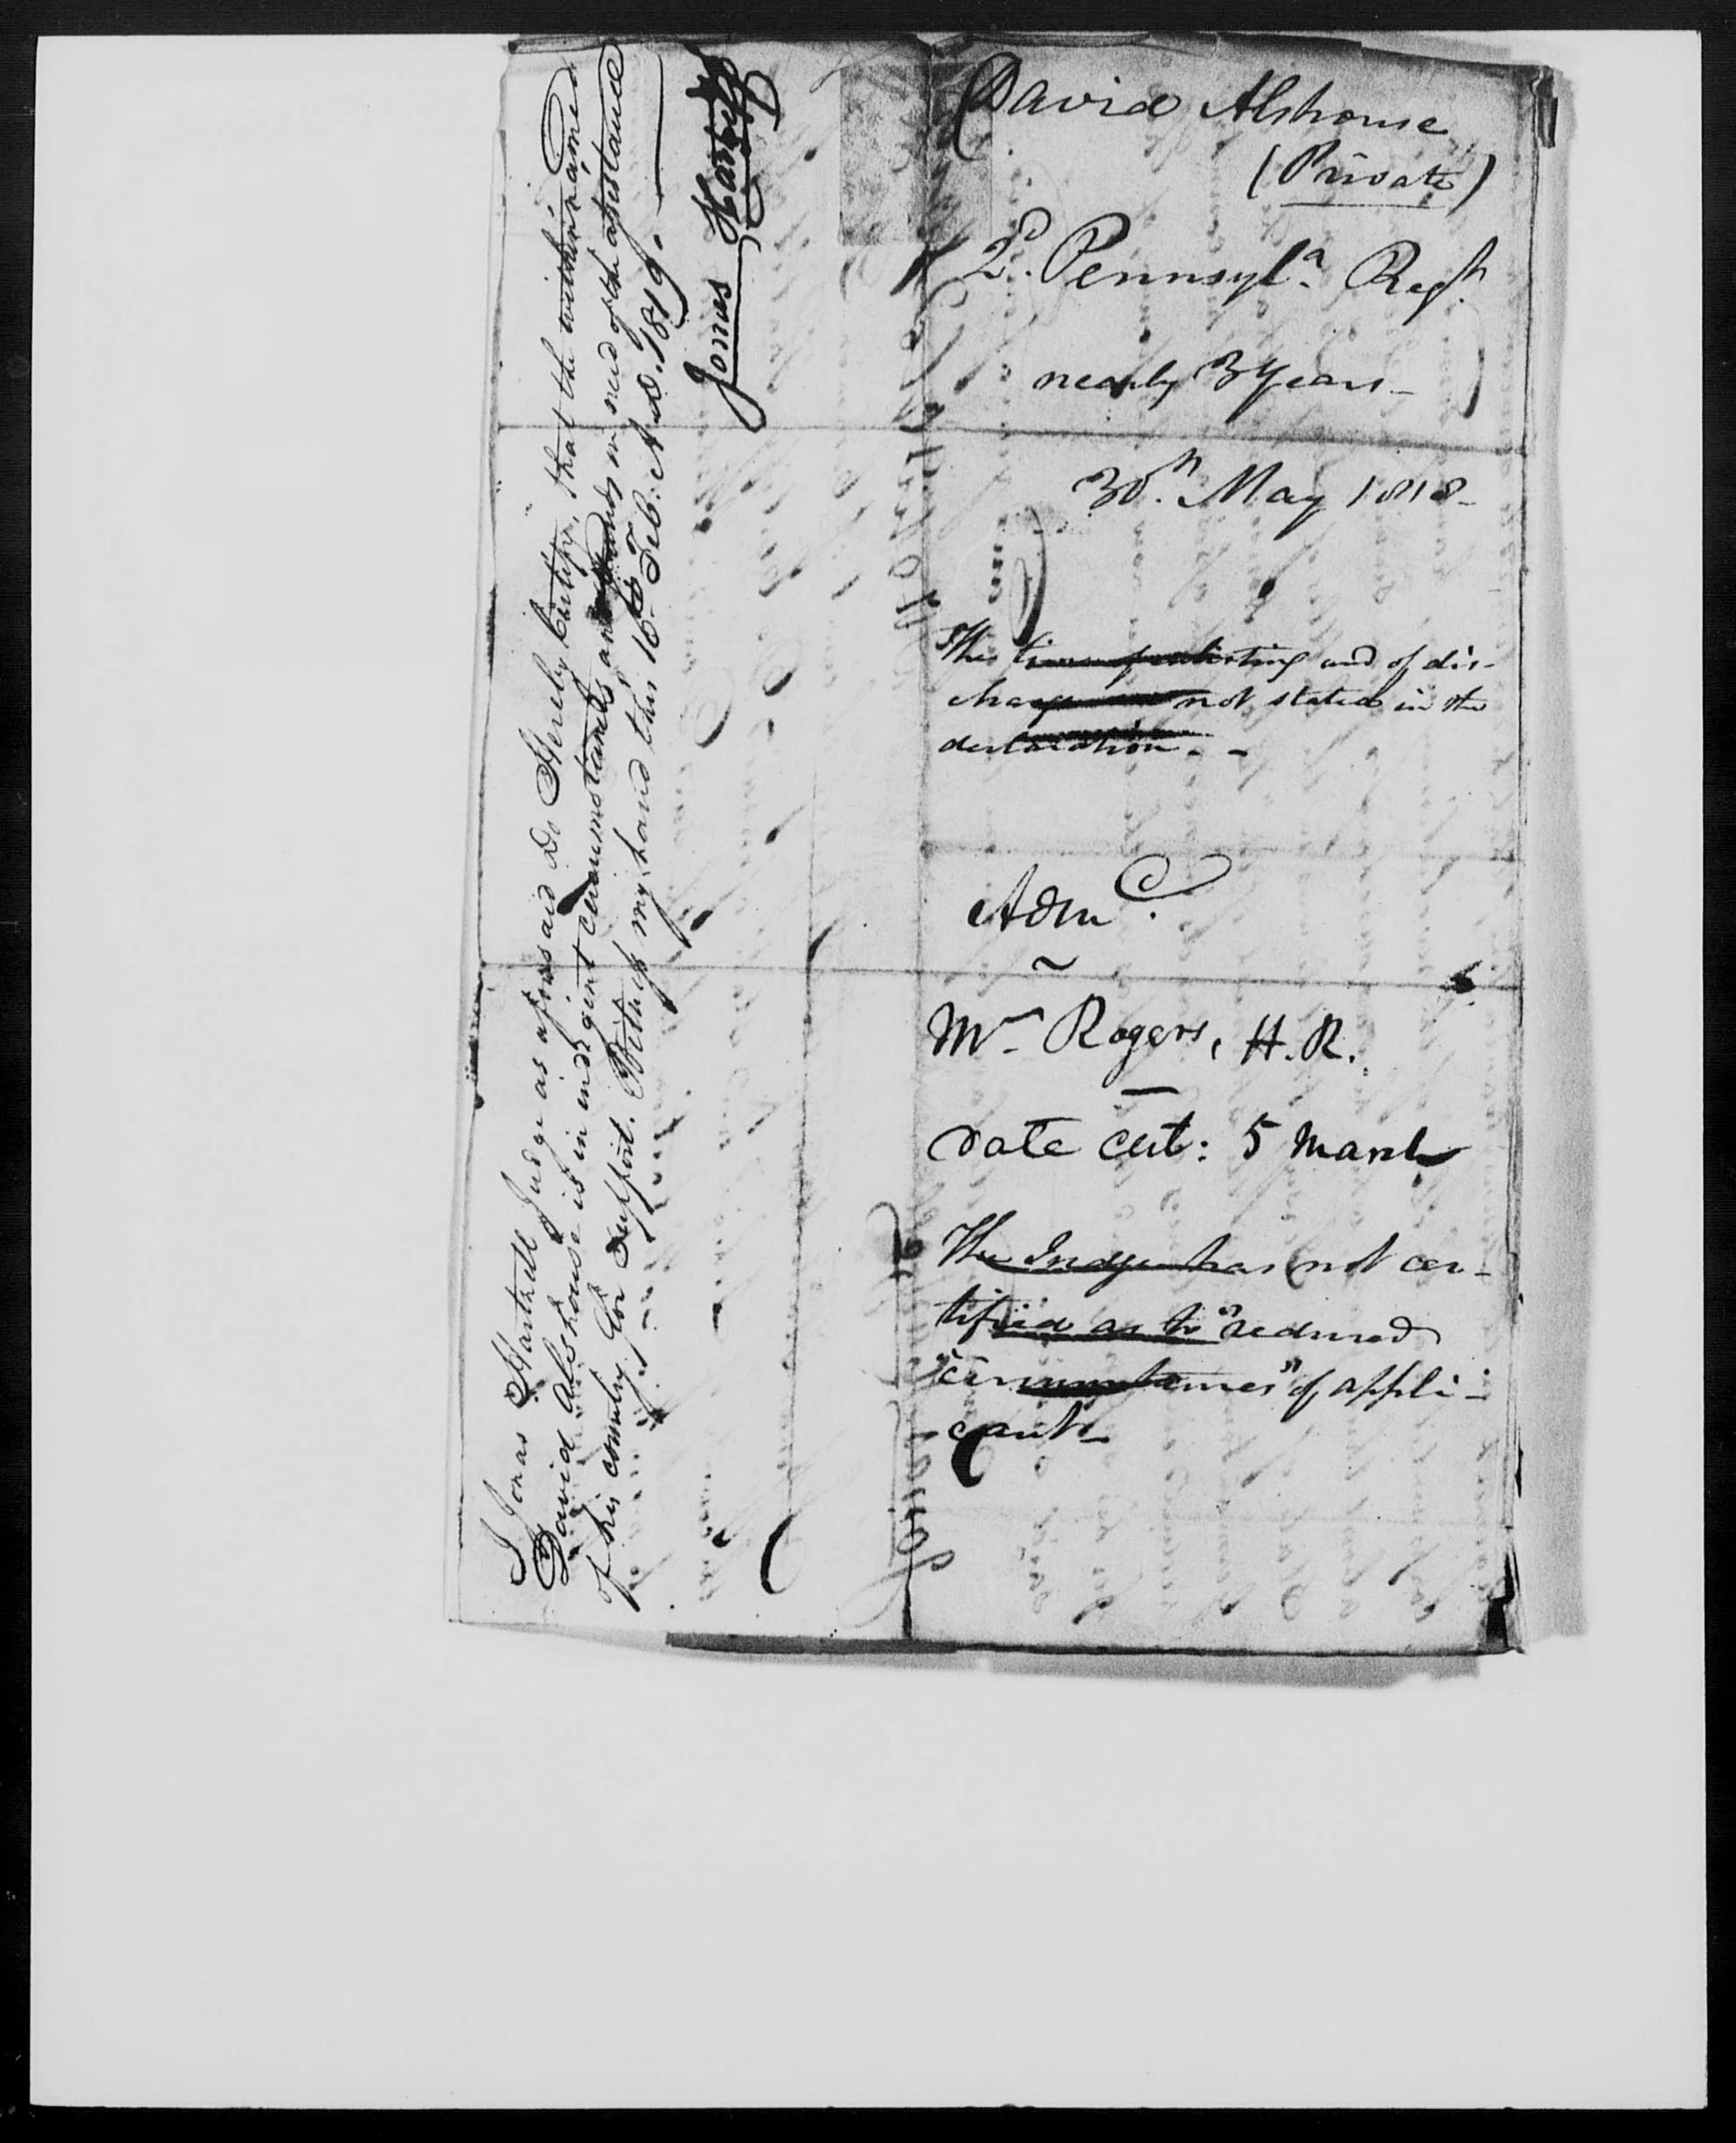[handwriting sideways at left-hand margin]

I Jonas Hartzell Judge as aforesaid do hereby certify that the within named David Alshouse is in indigent circumstances and in need of the assistance of his country for support
Witness my hand this 10th Feb. A.D. 1819.--
Jonas Hartzell [signature]

[right-hand side of page]

David Alshouse
(Private)
2d Pennsyl[raised a] Regt
nearly 3 years -

30th May 1818

This [words crossed out] and of discharge not stated in the declaration


Admd.
~
Mr. Rogers, H.R.
rate cut:  5 March

The Judge has not certified as to [illegible] circumstances of applicant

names: Jonas Hartzell, Rogers, David Alshouse, Jonas Hartzell, David Alshouse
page: 4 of 17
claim: survivor's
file: S. 39928, David Alshouse, Penn.